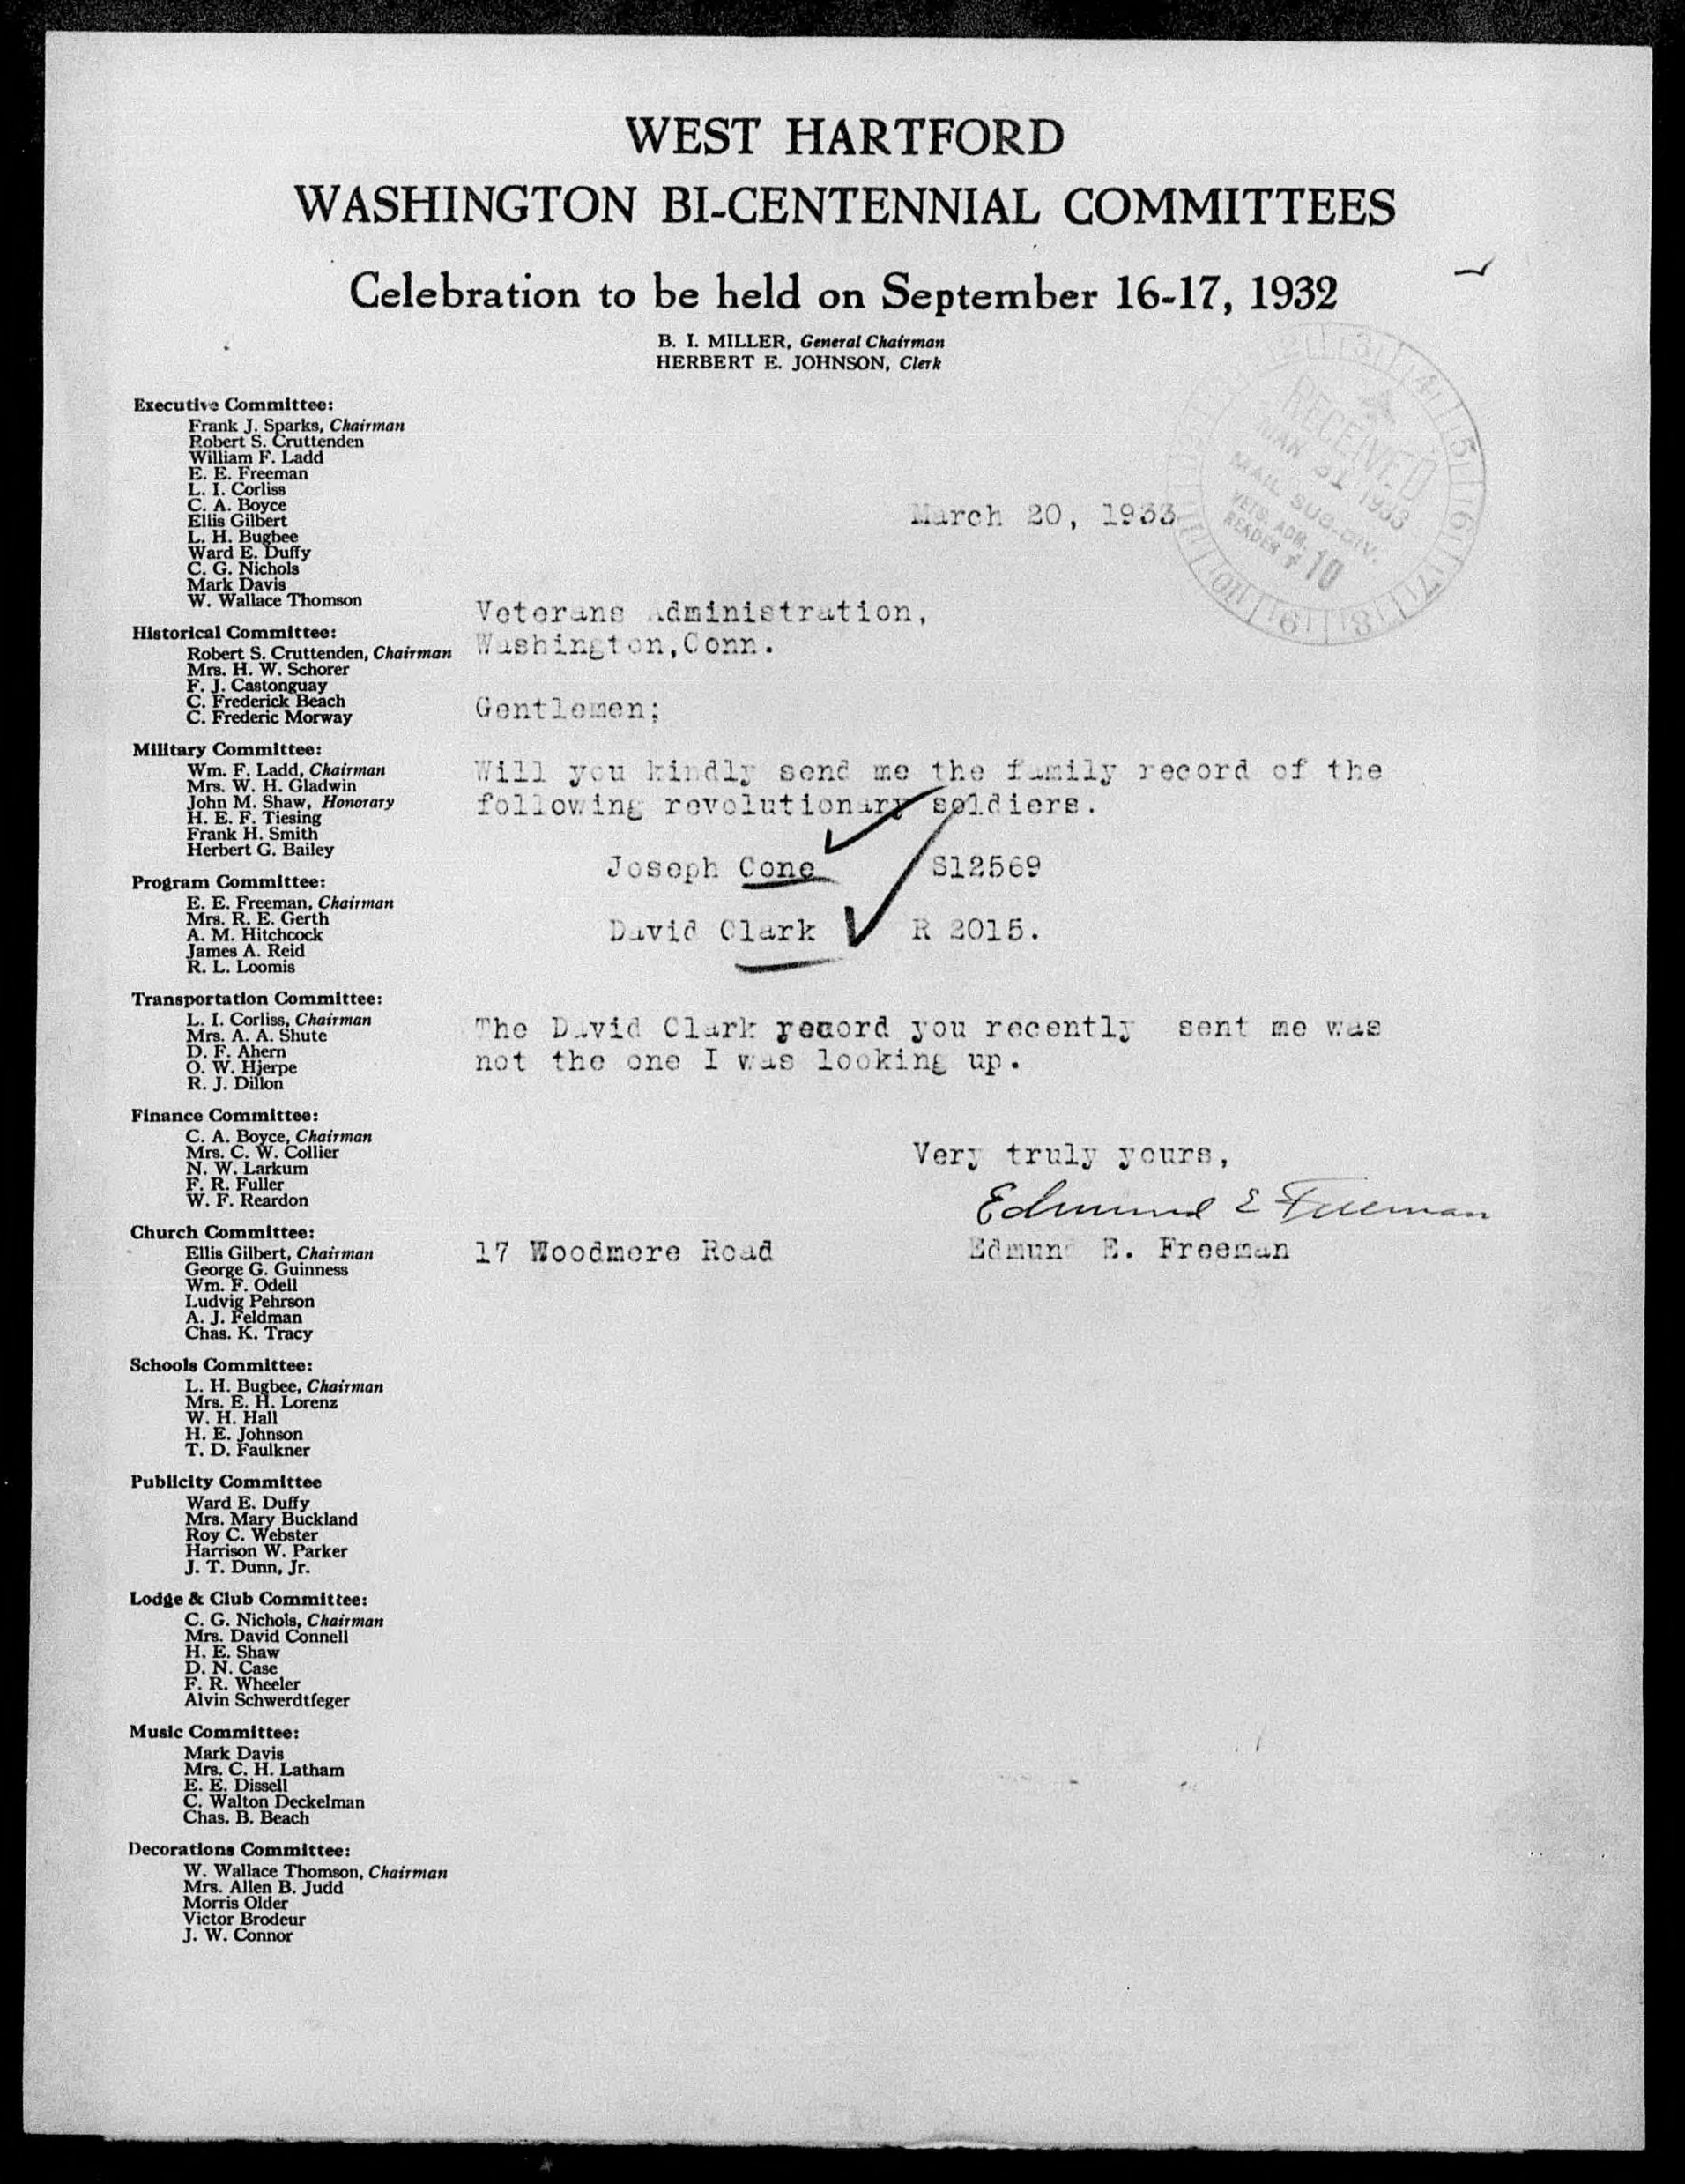WEST HARTFORD
WASHINGTON BI-CENTENNIAL COMMITTEES
Celebration to be held on September 16-17, 1932
B. I. MILLER, General Chairman
HERBERT E. JOHNSON, Clerk

[circular stamp, numbered around edge 1-12] RECEIVED
MAR 31 1933
MAIL SUB-DIV.
VETS. ADM.
READER [illegible] 10

[left margin] Executive Committee:
Frank J. Sparks, Chairman
Robert S. Cruttenden
William F. Ladd
E. E. Freeman
L. I. Corliss
C. A. Boyce
Ellis Gilbert
L. H. Bugbee
Ward E. Duffy
C. G. Nichols
Mark Davis
W. Wallace Thomson

Historical Committee:
Robert S. Cruttenden, Chairman
Mrs. H. W. Schorer
F. J. Castonguay
C. Frederick Beach
C. Frederic Morway

Military Committee:
Wm. F. Ladd, Chairman
Mrs. W. H. Gladwin
John M. Shaw, Honorary
H. E. F. Tiesing
Frank H. Smith
Herbert G. Bailey

Program Committee:
E. E. Freeman, Chairman
Mrs. R. E. Gerth
A. M. Hitchcock
James A. Reid
R. L. Loomis

Transportation Committee:
L. I. Corliss, Chairman
Mrs. A. A. Shute
D. F. Ahern
O. W. Hjerpe
R. J. Dillon

Finance Committee:
C. A. Boyce, Chairman
Mrs. C. W. Collier
N. W. Larkum
F. R. Fuller
W. F. Reardon

Church Committee:
Ellis Gilbert, Chairman
George G. Guinness
Wm. F. Odell
Ludvig Pehrson
A. J. Feldman
Chas. K. Tracy

Schools Committee:
L. H. Bugbee, Chairman
Mrs. E. H. Lorenz
W. H. Hall
H. E. Johnson
T. D. Faulkner

Publicity Committee
Ward E. Duffy
Mrs. Mary Buckland
Roy C. Webster
Harrison W. Parker
J. T. Dunn, Jr.

Lodge & Club Committee:
C. G. Nichols, Chairman
Mrs. David Connell
H. E. Shaw
D. N. Case
F. R. Wheeler
Alvin Schwerdtfeger

Music Committee:
Mark Davis
Mrs. C. H. Latham
E. E. Dissell
C. Walton Deckelman
Chas. B. Beach

Decoration Committee:
W. Wallace Thomson, Chairman
Mrs. Allen B. Judd
Morris Older
Victor Brodeur
J. W. Connor

March 20, 1933

Veterans Administration
Washington, Conn.

Gentlemen;
Will you kindly send me the family record of the following revolutionary soldiers.
Joseph Cone [underlined, checked off] S12569
David Clark [underlined, checked off] R 2015.

The David Clark record your recently sent me was not the one I was looking up.

Very truly yours,
Edmund E. Freeman
17 Woodmere Road  Edmund E. Freeman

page: 16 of 28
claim: survivor's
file: S. 12569, Joseph Cone, Conn Continental